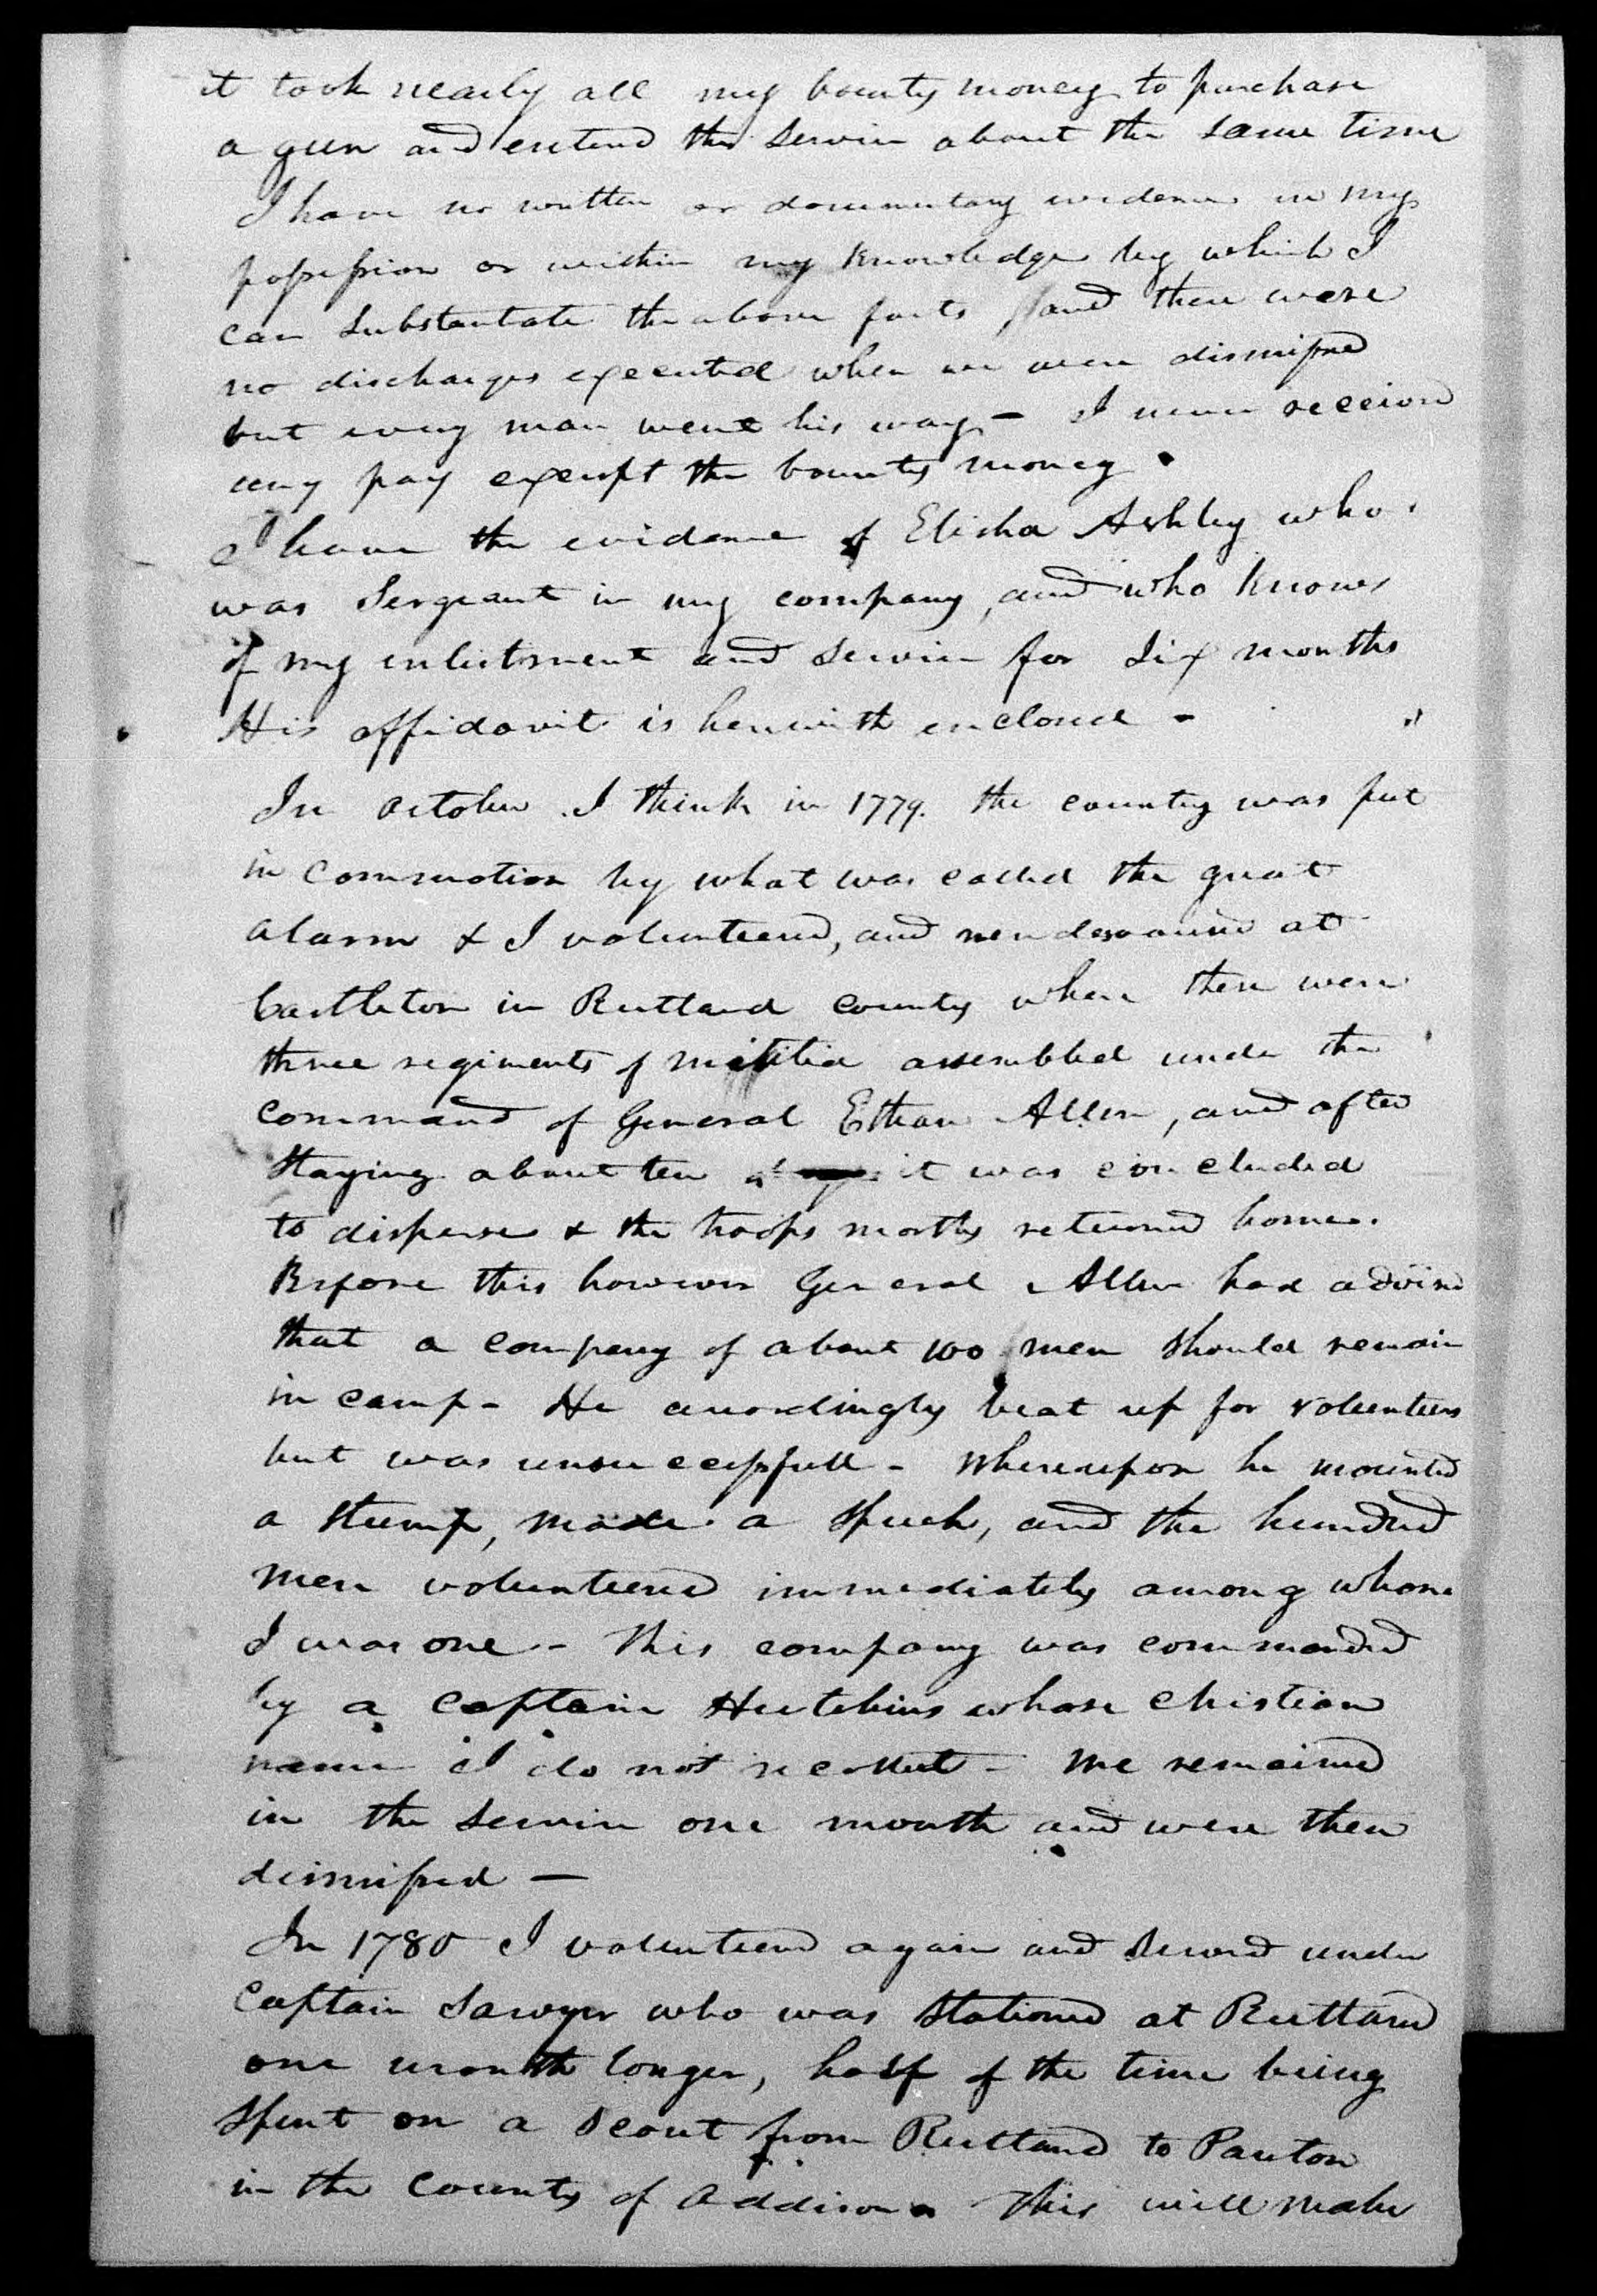it took nearly all my bounty money to purchase a gun and entered the service about the same time.  I have no written or documentary evidence in my possession or within my knowledge by which I can substantiate the above facts, and there were no discharges expected when we were dismissed but every man went his way. I never [illeg] any pay except the bounty money.
I have the evidence of Elisha Ashley who was Sergeant in my company, and who knows of my enlistments and service for six months. His affidavit is herewith enclosed.
In October I think in 1779, the county was put in commotion by what was called the Great alarm & I volunteered, and [illeg] at Castleton in Rutland County where there were three regiments of militia assembled under the command of General Ethan Allen, and after staying about ten days it was concluded to disperse & the troops mostly returned home.  Before this, however, General Allen had advised that a company of about 100 men should remain in camp.  He accordingly beat up for volunteers but was unsuccessful whereupon he mounted a stump, made a speech, and the hundred men volunteered immediately among whom I was one.  This company was commanded by a captain Hutchins whose Christian name I do not recollect - we remained in the service one month and were then dismissed
In 1780 I volunteered again and served under Captain Sawyer who was stationed at Rutland one month longer, half the time being spent on a scout from Rutland to Pauton in the county of Addision.  This will make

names: Ethan Allen; Elisha Ashley; [BLANK] Hutchins; [BLANK] Sawyer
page: 7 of 23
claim: survivor's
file: S 14072, for Elisha Owen, Vermont